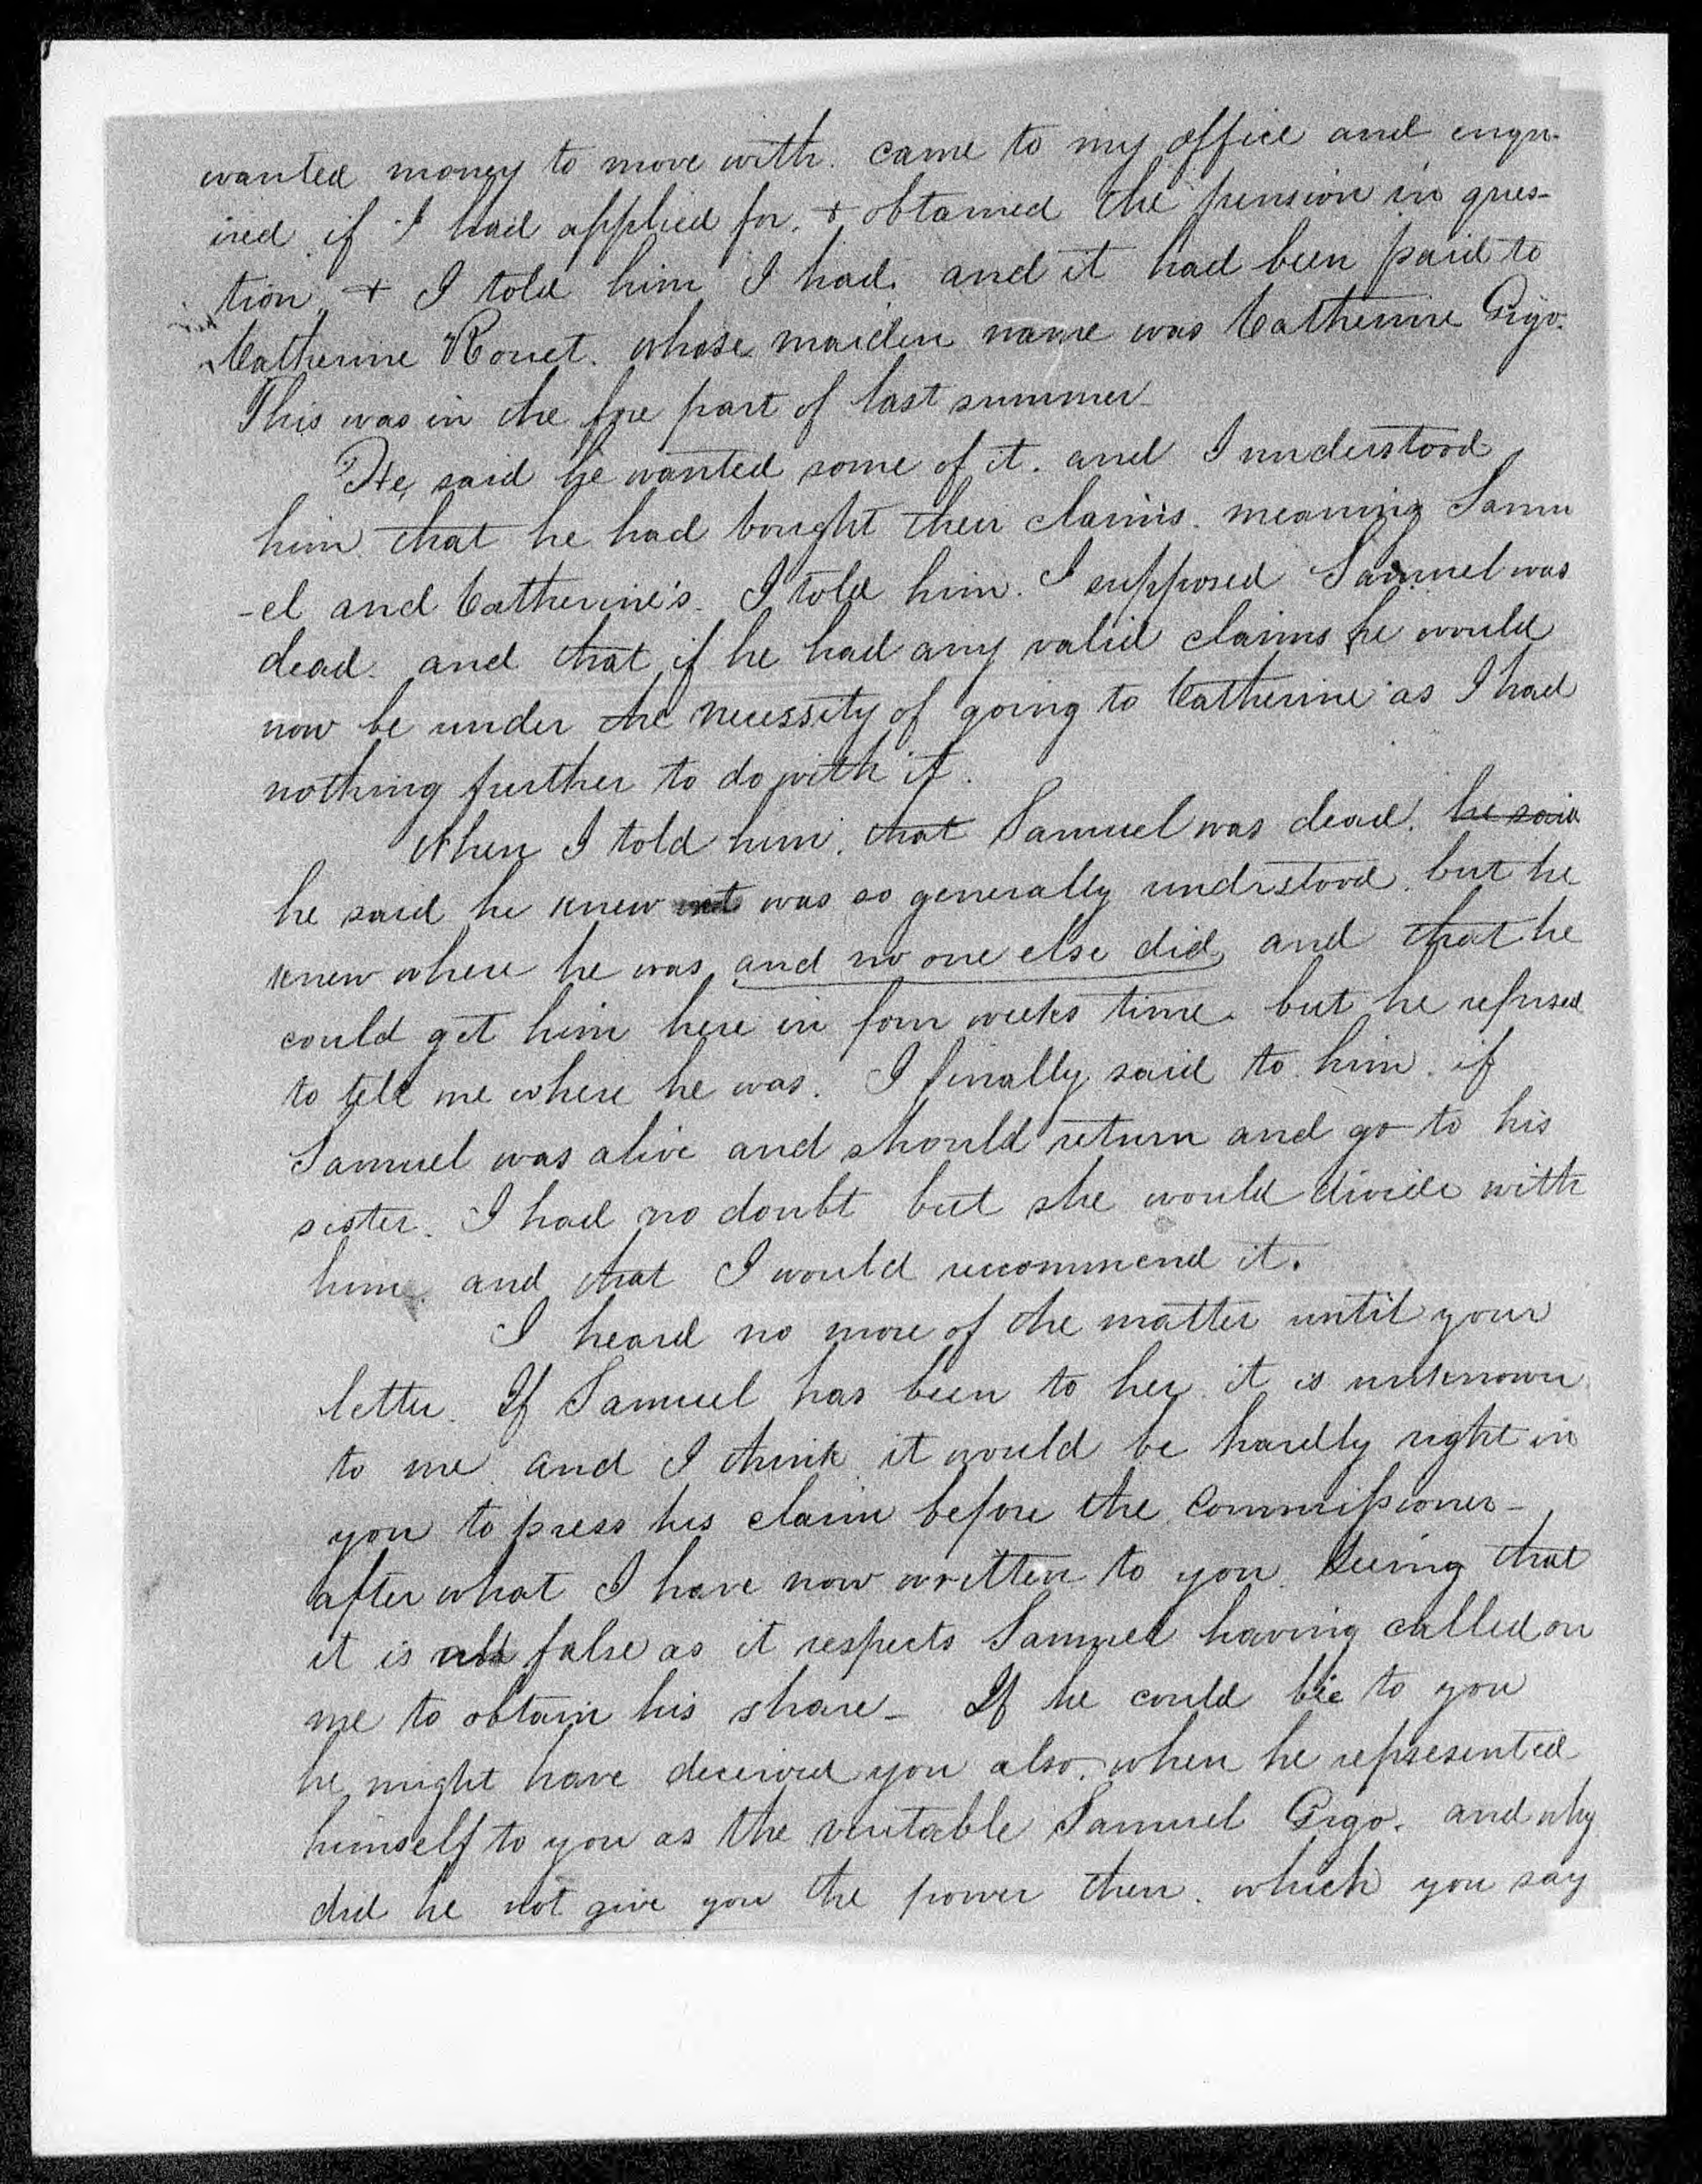wanted money to move with came to my office and enquired if I had applied for & obtained the pension in question & I told him I had and it had been paid to Catherine Roust whose maiden name was Catherine Gigo.  This was in the fore part of last summer.
  He said he wanted some of it, and I understood him that he had bought their claims meaning Samuel and Catherine's. I told him I supposed Samuel was dead and that f he had any valid claims he would now be under the necessity of going to Catherine as I had nothing further to do with it.
  When I told him that Samuel was dead, he said he knew it was so generally understood but he knew where he was and no one else did and that he could get him here in four weeks time but he refused to tell where he was. I finally said to him, if Samuel was alive and should return and go to his sister, I had no doubt she would divide with him and that I would recommend it.
  I heard no more of the matter until your letter. If Samuel has been to her it is unknown to me and I think it would be hardly right in you to press his claim before the commissioners - after what I have now written to you. Seeing that it is as false as it respects Samuel having called on me to obtain his share. If he could lie to you he might have deceived you also when he represented himself to you as the veritable Samuel Gigo, and why did he not give you the power then which you say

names: Catherine Gigo, Samuel, Samuel, Catherine, Samuel, Samuel, Samuel, Samuel Gigo, Samuel, Catherine Rouet, Catherine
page: 64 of 98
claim: widow's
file: W. 21182, Francis Gigo, Continental (Canadian)